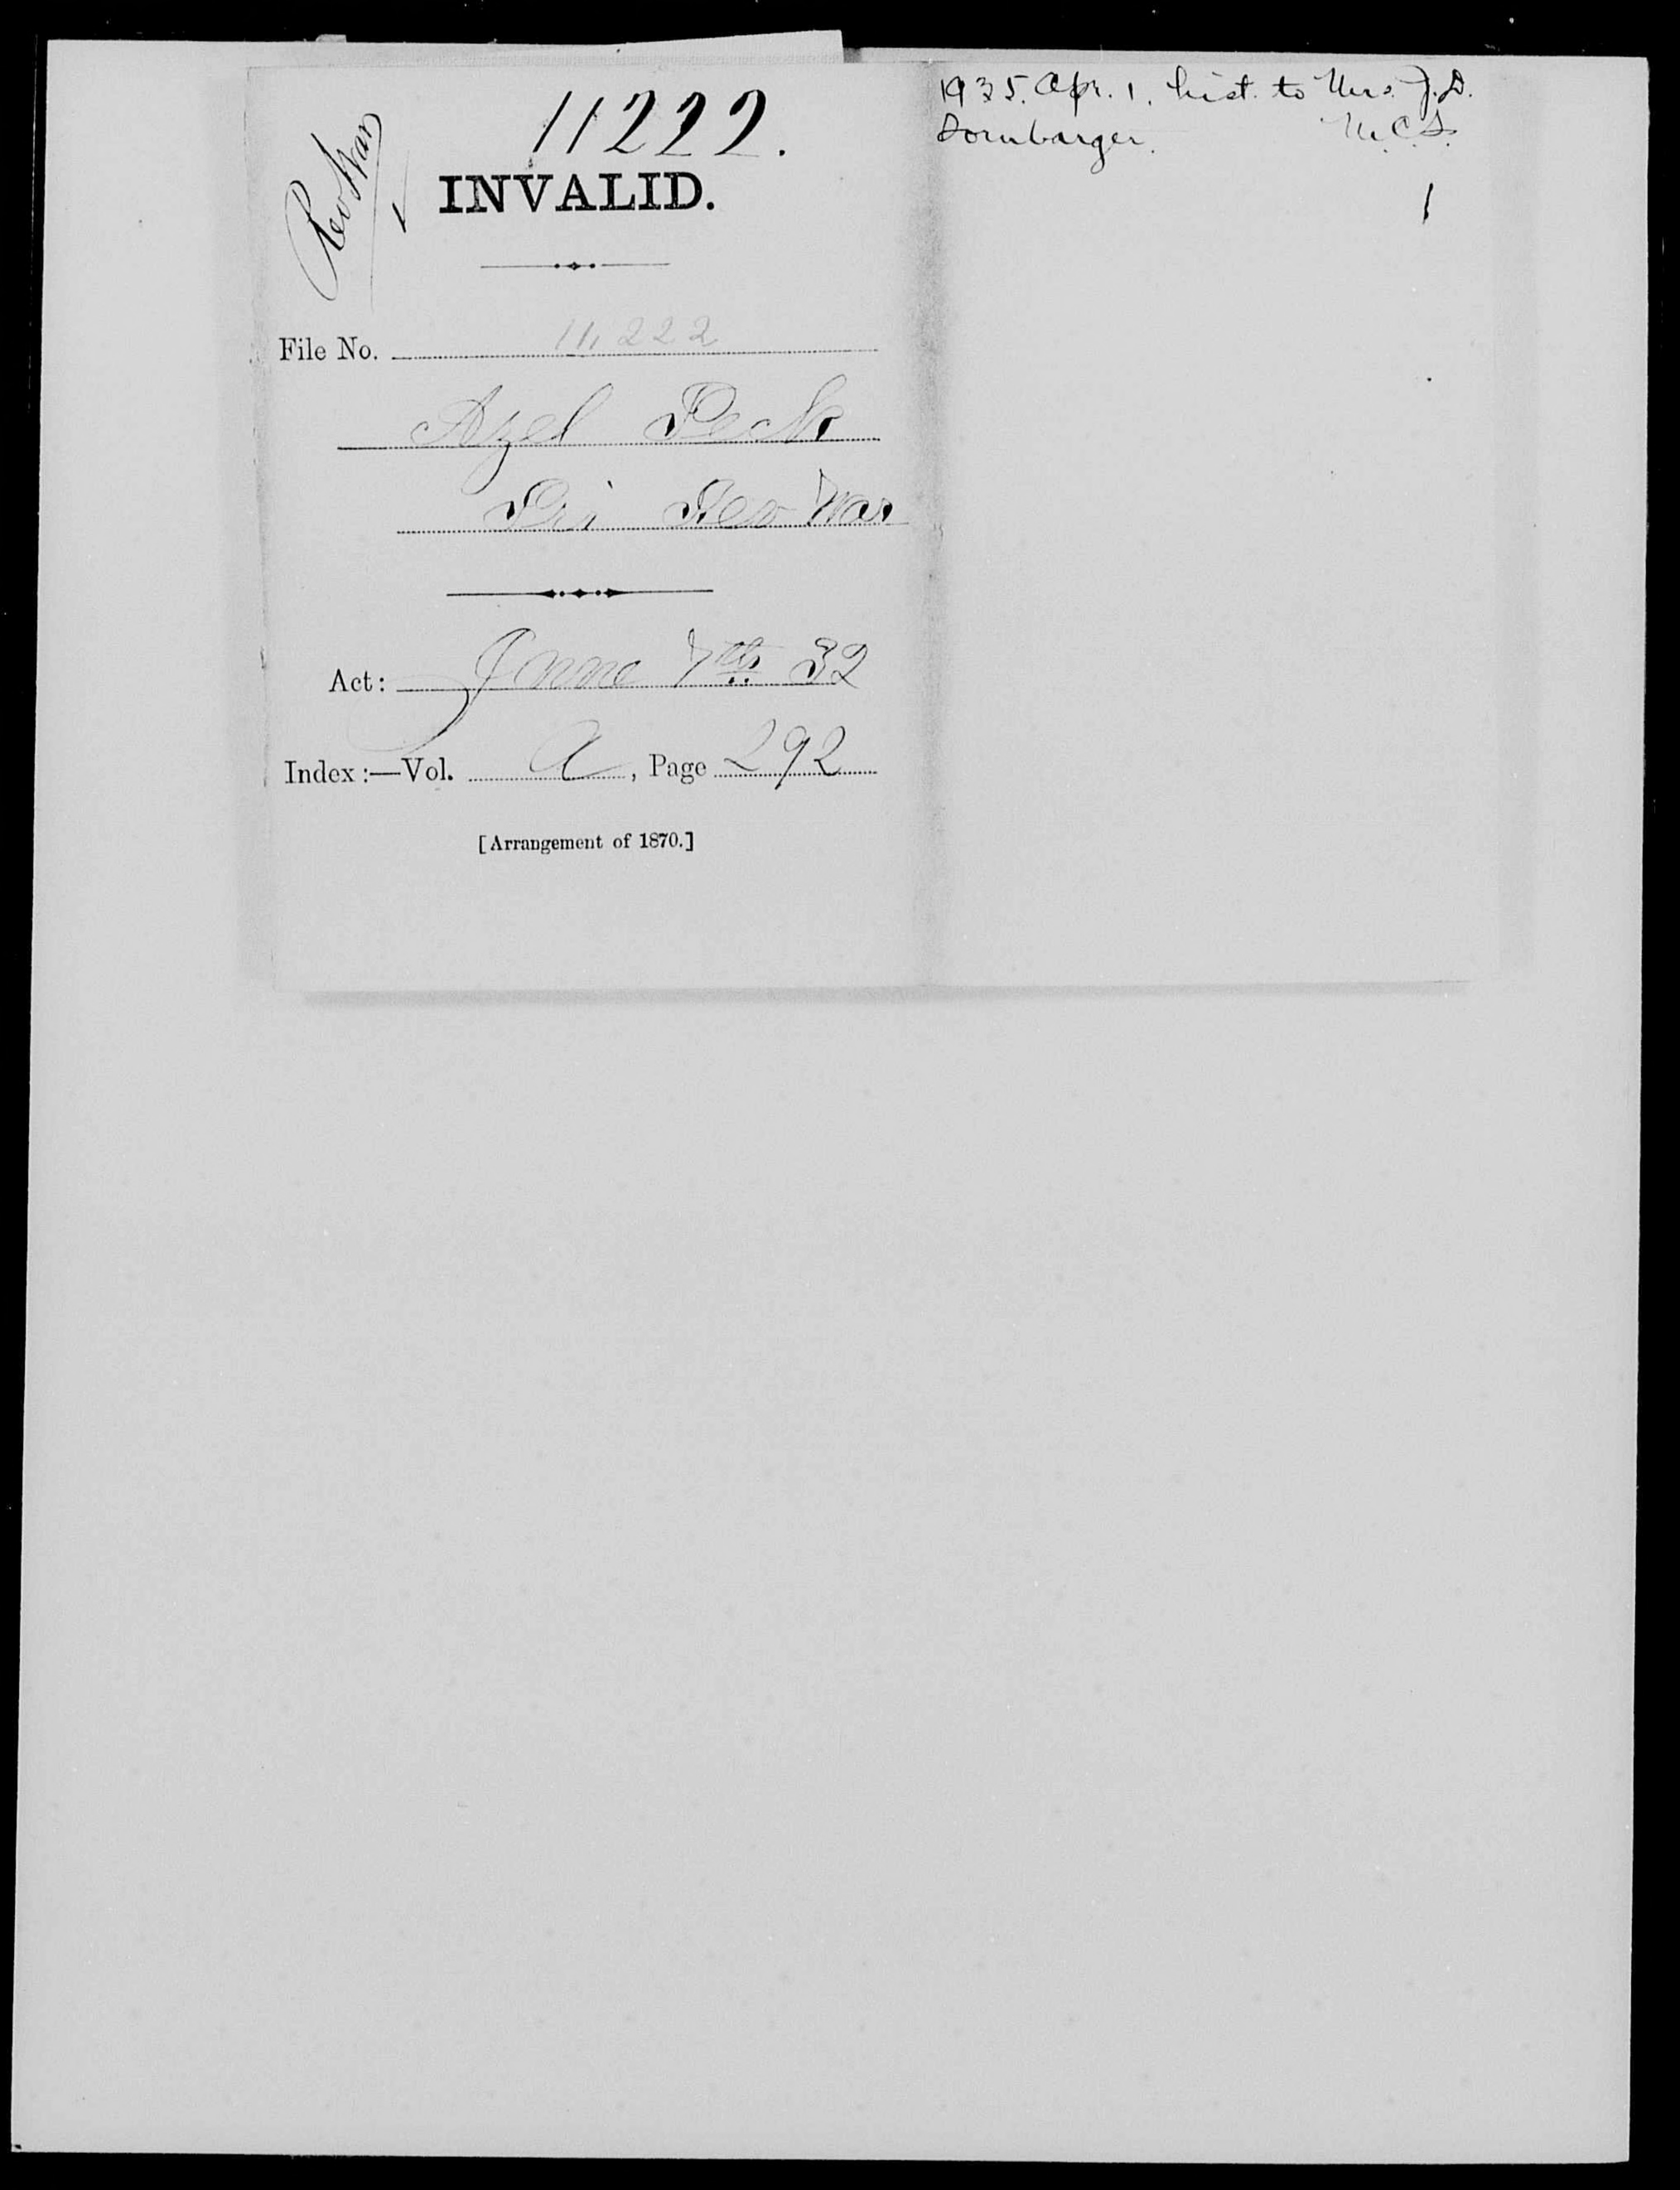Rev War
11222
INVALID
File No. 11.222
Azel Peck
Pri Rev War
Act: June 7th 32
Index:- Vol. A, Page 292
[Arrangement of 1870]
1935 Apr 1 hist. to Mrs J. D.
Sornbarger W.C.S.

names: J D Sornborger; Azel Peck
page: 2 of 4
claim: survivor's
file: S. 17222, for Azel Peck, Connecticut